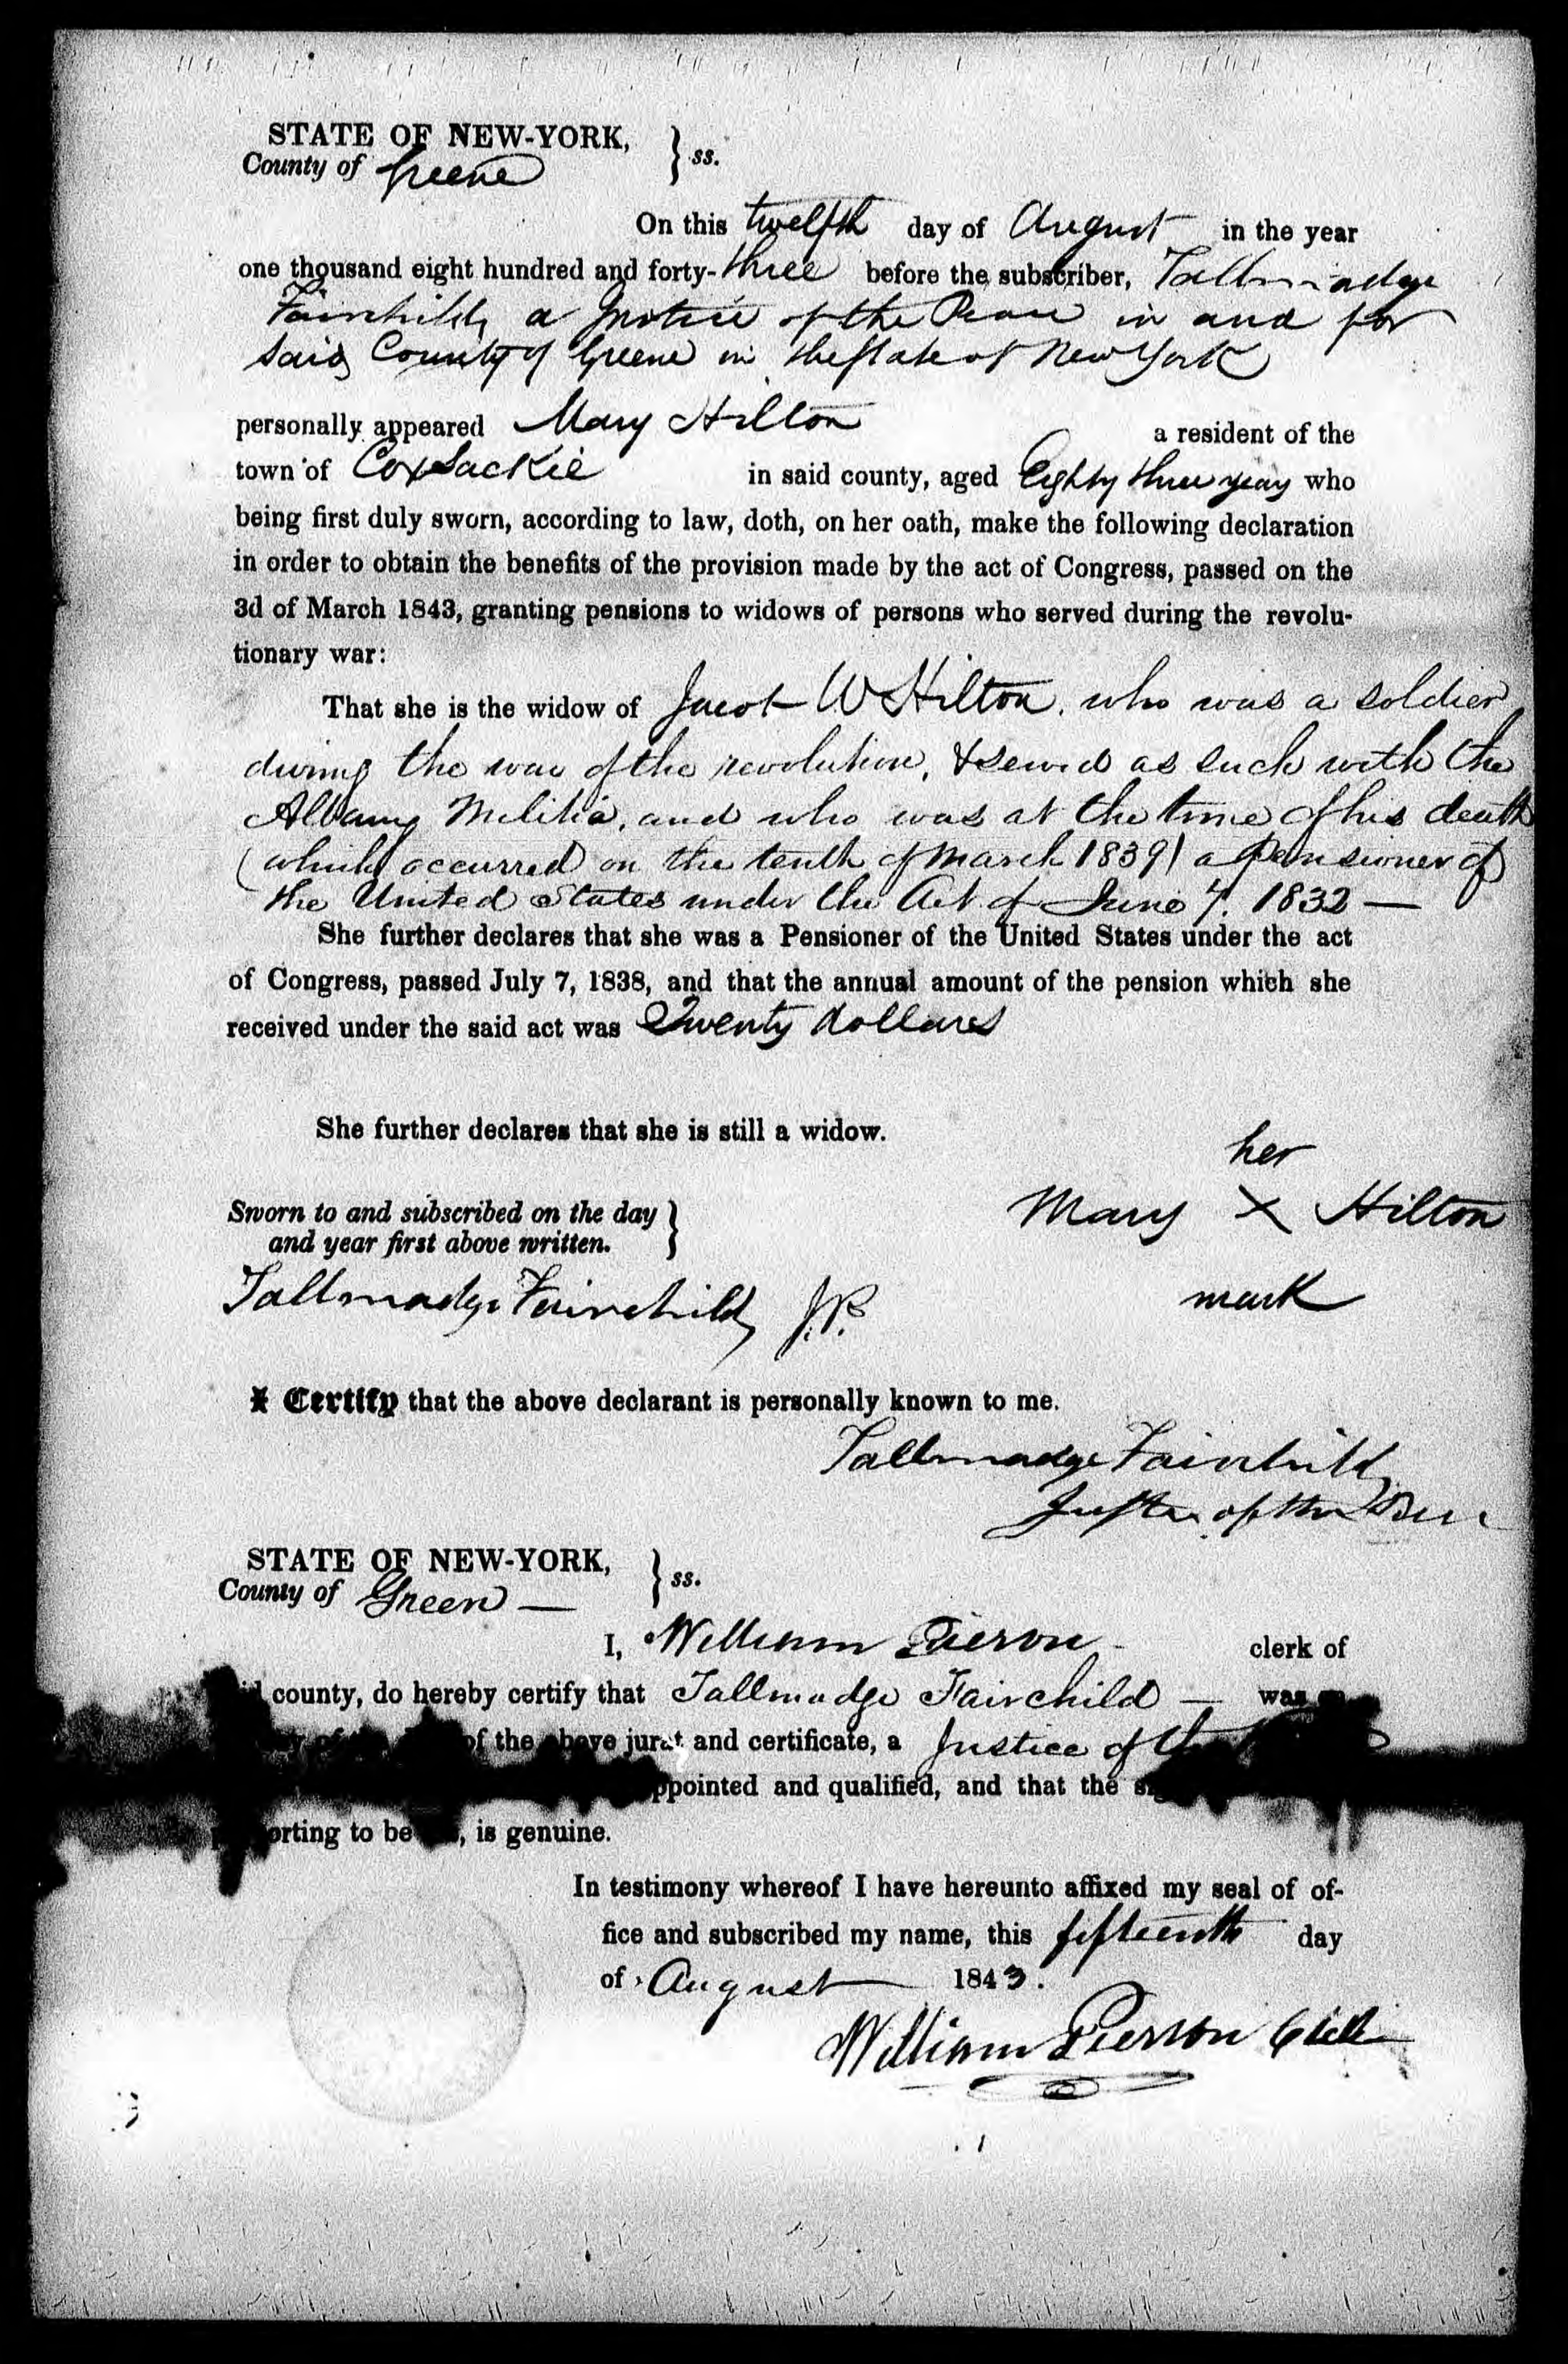State of New York
County of Greene

On this twelfth day of August in the year one thousand eight hundred and forty-three before the subscriber, Tallmadge Fairchild a Justice of the Peace in and for said County of Greene in the state of New York personally appeared Mary Hilton, a resident of the town of Coxsackie in said county, aged eighty three years who being first duly sworn, according to law, doth, on her oath, make the following declaration in order to obtain the benefits of the provision made by the act of Congress, passed on the 3d of March 1843, granting pensions to widows of persons who served during the revolutionary war:

That she is the widow of Jacob W. Hilton, who was a soldier during the war of the revolution & served as such with the Albany Militia, and who was at the time of his death (which occurred on the tenth of March 1839) a pensioner of the United States under the Act of June 4, 1832.

She further declares that she as a Pensioner of the United States under of act of Congress, passed July 7, 1838, and that the annual amount of the pension which she received under the said act was twenty dollars.

She further declares that she is still a widow.

Mary Hilton (X her mark) 

Sworn to and subscribed on the day and year first above written - Tallmadge Fairchild, J.P.

Certify that the above declarant is personally known to me - Tallmadge Fairchild, Justice of the Peace.

State of New York
County of Greene

I, William Pierson, clerk of said county, do hereby certify that Tallmadge Fairchild, was _______________ of the above jurat and certificate, a Justice of the Peace_______ appointed and qualified, and that the signature _________ purporting to be  __, is genuine.


In testimony whereof I have hereunto affixed my seal of office and subscribed my name this fifteenth day of August 1843.

William Pierson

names: William Pierson, Tallmadge Fairchild, Tallmadge Fairchild, Jacob W Hilton, Tallmadge Fairchild, William Pierson, Mary Hilton, Mary Hilton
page: 29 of 48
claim: widow's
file: W. 19788, Jacob W Hilton, New York